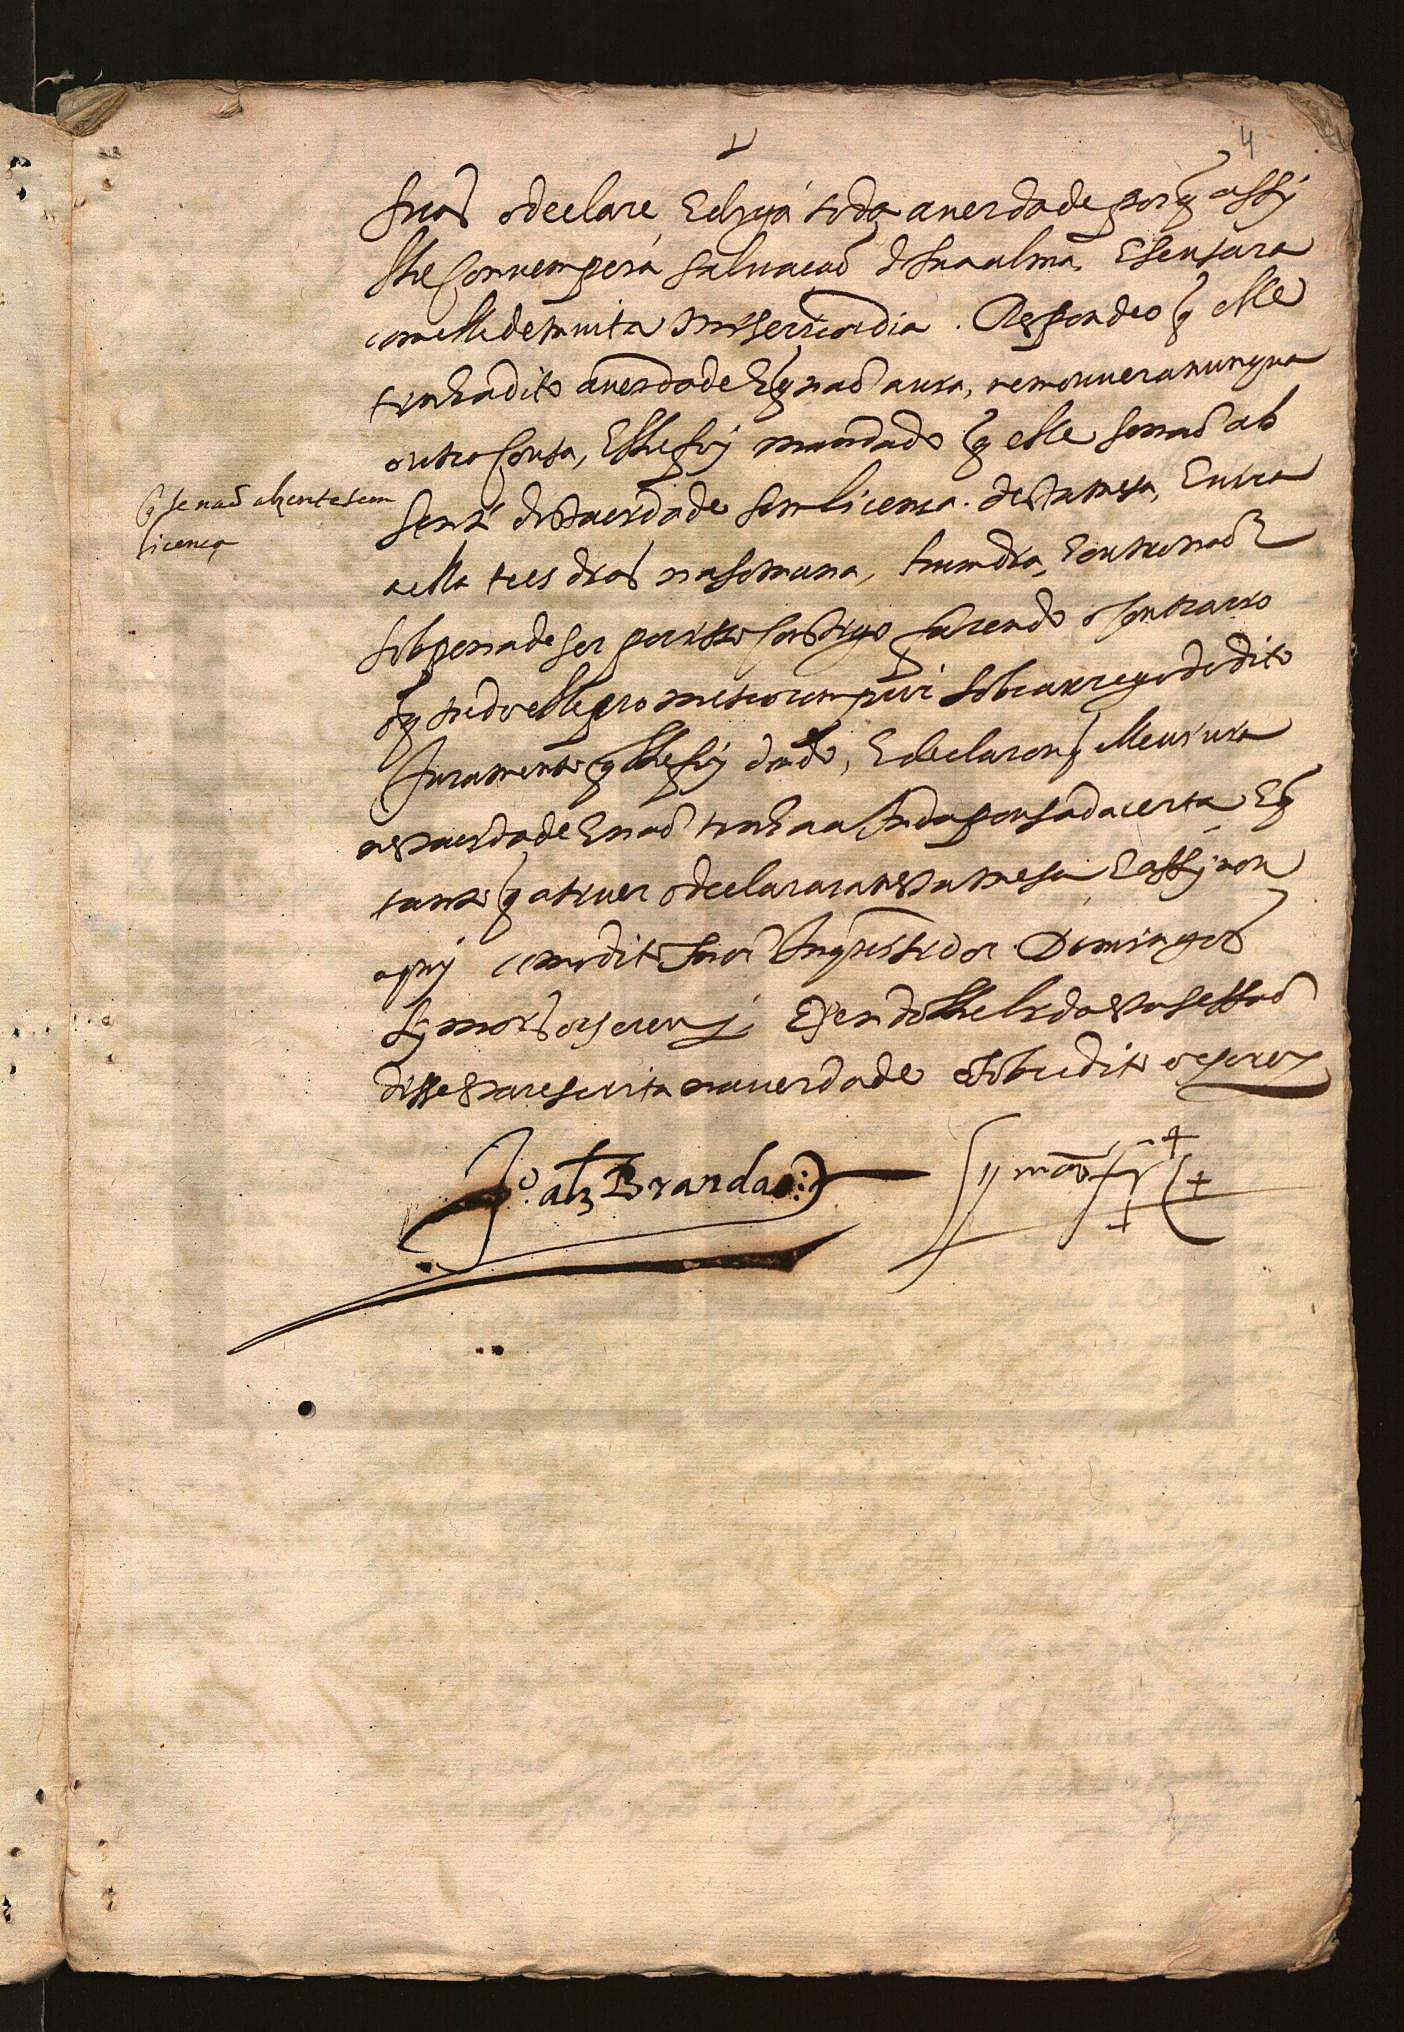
suas o declare, E diga toda a uerdade porq̄ assy
lhe Conuem pera saluaçaõ de sua alma E se usara
com elle de muita misericordia. Respondeo q̄ elle
tinha dito a uerdade E q̄ naõ auia, nem ouuera nunqua
outra Cousa, E lhe foy mandado q̄ elle se naõ ab
q̄ se naõ abzente sem
Licença
sente desta cidade sem licença desta mesa, E uira
a ella tres dias na somana, hum dia, E outro naõ
sob pena de ser por isso Castigo fazendo o Contrario
o q̄ tudo elle prometeo comprir sob carrego do dito
Juramento q̄ lhe foy dado, E declarou elle uiuia
nesta cidade E naõ tinha aInda pousada certa E q̄
tanto q̄ a tiuer o declarara nesta mesa, E assynou
aquy com o dito Snor̄ Inquisidor. Domingos
symõis o escreuj. E sendolhe lida esta sessaõ
disse estar escrita na uerdade o sobredito o escreuj
J.o al̄z Brandaõ
Sijmão frz
